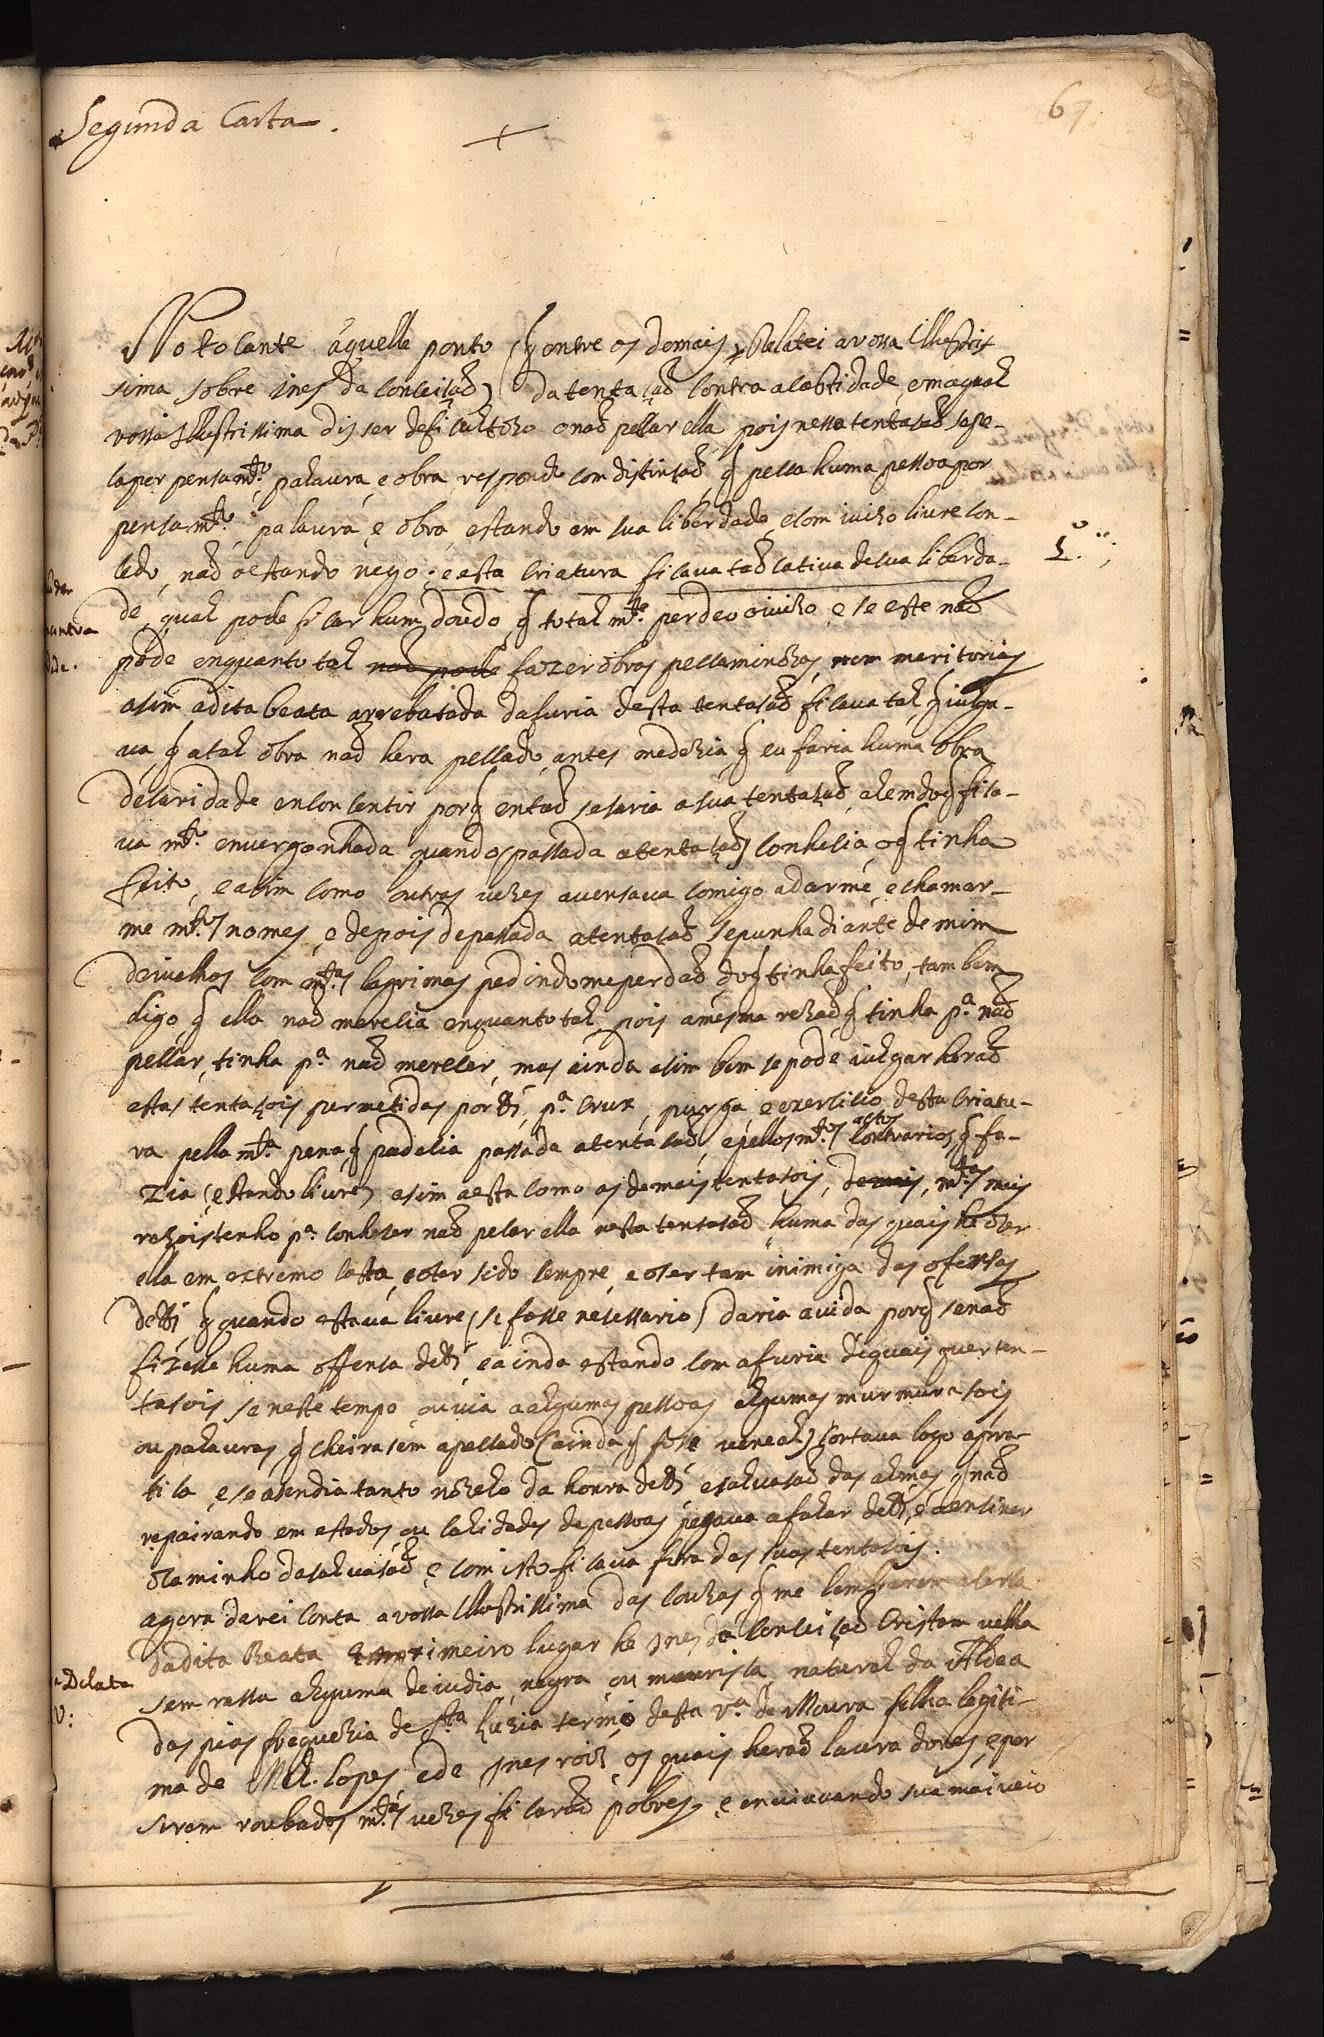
67
Segunda Carta
No tocante áquelle ponto (q̄ entre os demais Relatei a vosa Illustris
sima sobre ines da Conceiçaõ) da tentaçaõ Contra a castidade, em a qual
vossa Illustrissima diz ser deficultozo o naõ pasar ella, pois nessa tentaçaõ se pe
ca per pensam.to, palaura, e obra respondo com distinsaõ, q̄ pecca huma pessoa por
pensam.to, palaura, e obra estando em sua liberdade, e com iuizo liure con
1.o
cedo, naõ o estando nego; e esta criatura ficaua taõ catiua de sua liberda
de qual pode ficar hum doudo q̄ totalm.te perdeo o iuizo, e se este não
pode enquanto tal não pode fazer obras peccaminozas, nem meritorias
asim a dita beata arrebatada da furia desta tentasaõ ficaua tal q̄ iulga
ua q̄ a tal obra naõ hera peccado, antes me dezia q̄ eu faria huma obra
de caridade en concentir, porq̄ entaõ sesaria a sua tentaçaõ, alem do q̄ fica
ua m.to enuergonhada quando passada a tentaçaõ conhecia, o q̄ tinha
feito, e asim como outras uezes auersaua comigo a darme, e chamar
me mtos nomes, e depois de passada a tentaçaõ se punha diante de mim
de iuelhos com m.tas lagrimas pedindome perdaõ do q̄ tinha feito, tambem
digo, q̄ ella naõ merecia enquanto tal, pois a mesma rezaõ q̄ tinha p.a naõ
peccar tinha p.a naõ merecer, mas ainda asim bem se pode iulgar heraõ
estas tentaçois permetidas por Ds̄, p.a Cruz, purga, e exercicio desta Criatu
actos
ra pella m.ta pena, q̄ padecia passada a tentaçaõ, e pellos m.tos Contrarios q̄ fa
zia, (estando liure) asim a esta como as demais tentasois, de mais, m.tas mais
rezois tenho p.a conheser naõ pecar ella nesta tentasaõ huma das quais he o ser
ella em extremo Casta, e o ter sido sempre, e o ser tam inimiga das ofensas
de Ds̄, q̄ quando estaua liure (se fosse necessario) daria a uida por q̄ se naõ
fizesse huma offensa de Ds̄, e ainda estando com a furia de quaisquer ten
tasois se neste tempo ouuia a algumas pessoas algumas murmurasois,
ou palauras q̄ cheirasem a peccado (ainda q̄ fosse ueneal) Cortaua logo a pra
tica, e se asendia tanto no zelo da honra de Ds̄, e saluaçaõ das almas, q̄ naõ
repairando em estados, ou calidades de pessoas pegaua a falar de Ds̄, e ensinar
o caminho da saluasaõ, e com isto ficaua fora das suas tentasois.
agora darei conta a vossa Illustrissima das couzas q̄ me lembrarem acerca
da dita Beata Em primeiro Lugar he Jnes da Conceiçaõ Cristam uelha
sem rassa alguma de iudia, negra, ou mourisca, natural da Aldea
a Delat
das pias freguezia de S.ta Luzia termo desta v.a de Moura filha legiti
mado Mel Lopes, e de Jnes roiz̄ os quais heraõ lauradores, e por
serem roubados m.tas uezes ficarão pobres, e enuiuuando sua mai ueio
